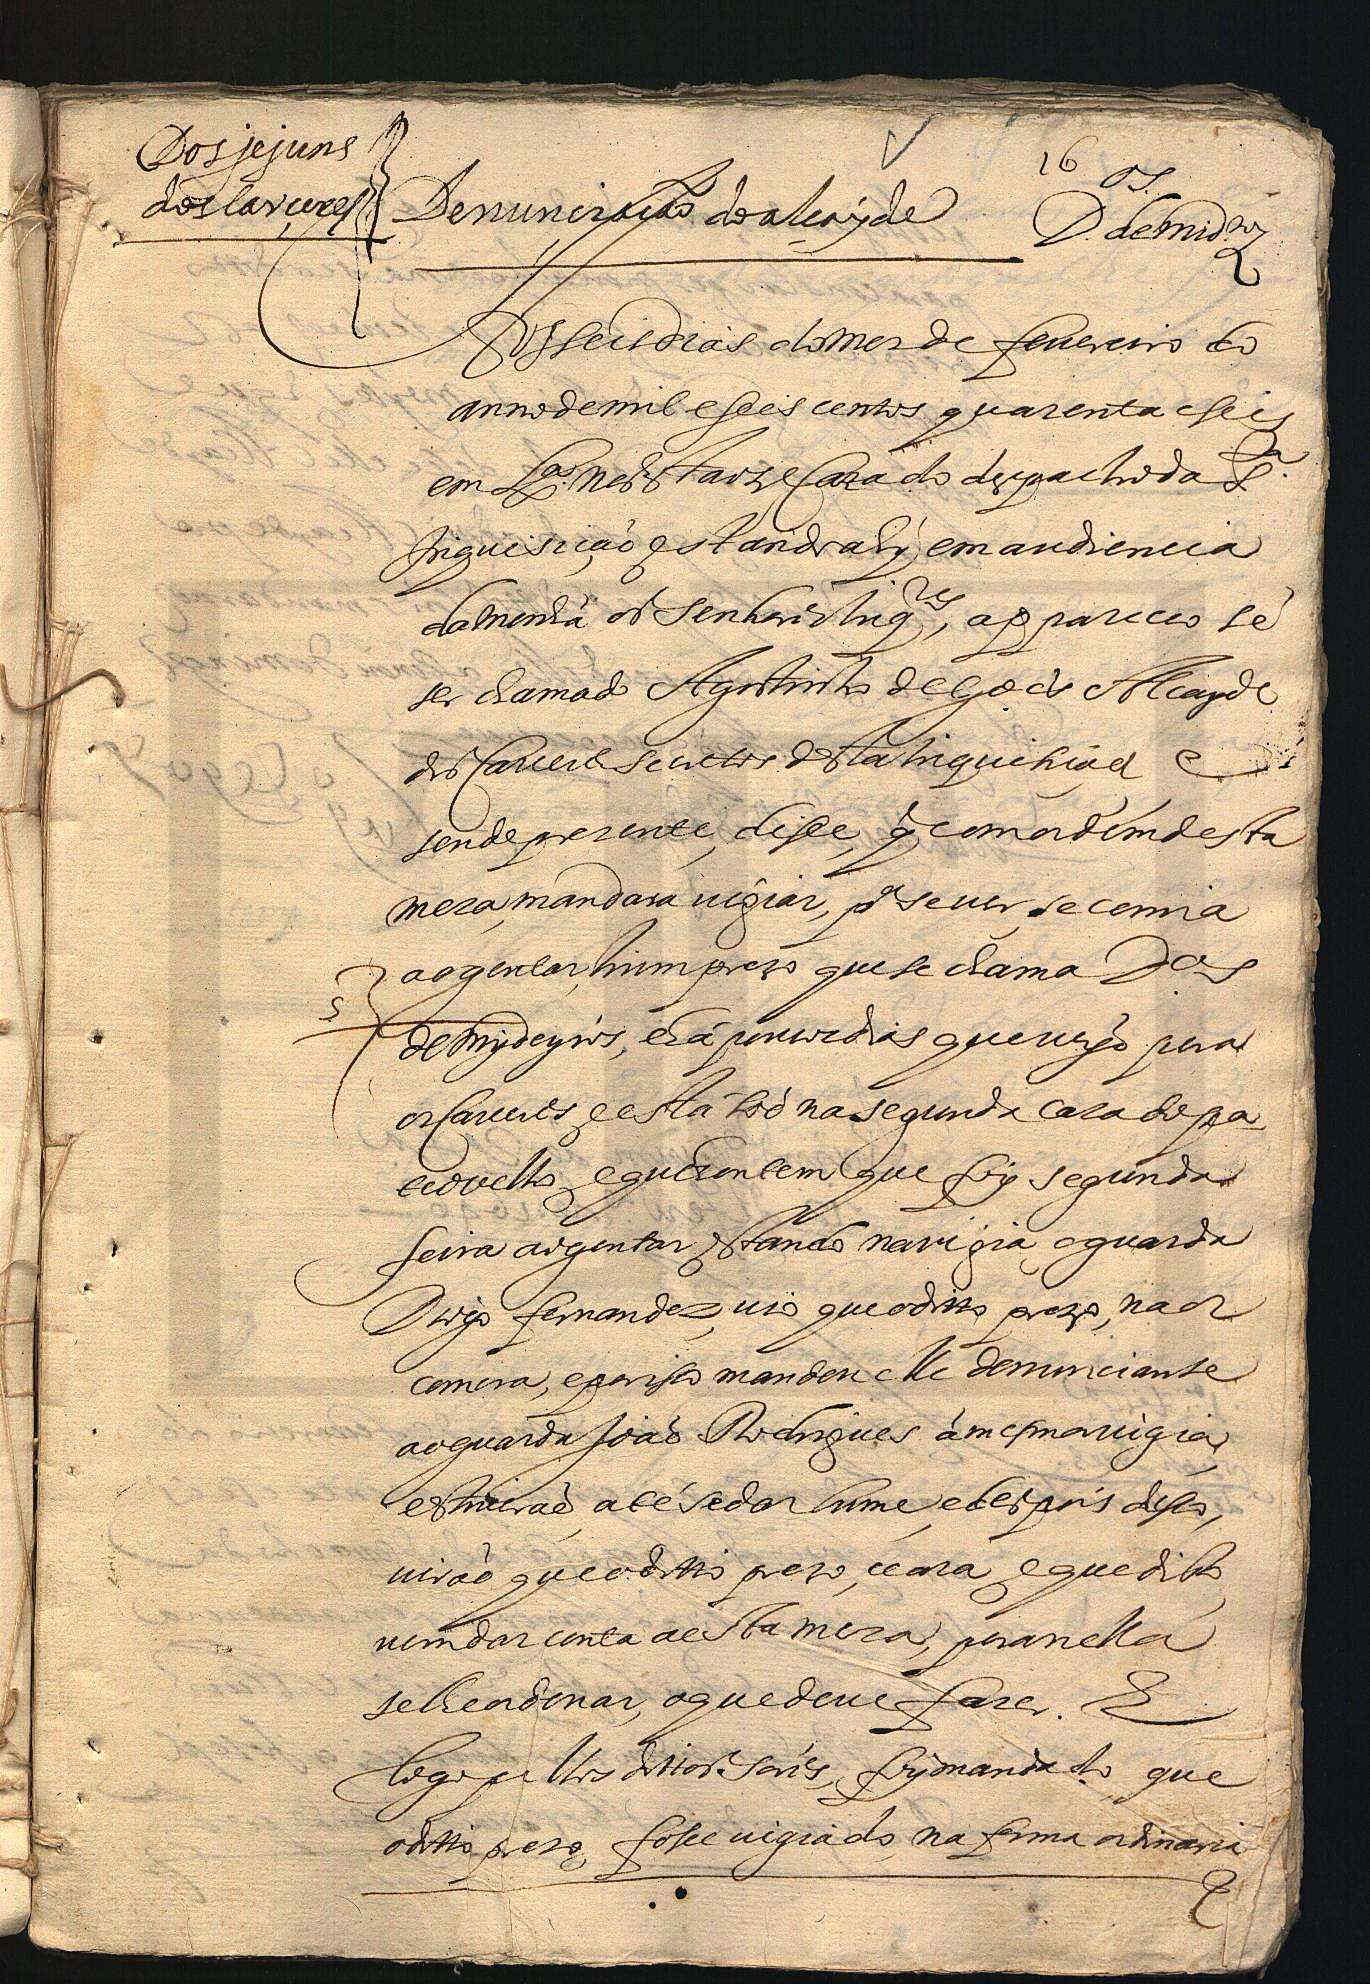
Dos jejuns
dos Carçeres
Denunçiacão do alcayde
Dos. de mid.ros
Aos seis dias do mes de feuereiro do
anno de mil e seiscentos quarenta e seis
em Lxa. nos Estaos e Caza do despacho da sta.
Jnquisiçaõ estando ahy em audiencia
da menhã os senhores Inqres, appareceo sē
ser chamado Agostinho de Goes Alcayde
dos Carceres secretos desta Inquisiçaõ e
sendo prezente, disse, q̄ com ordem desta
meza, mandara uigiar, pa se uer se comia
ao gentar, hum prezo que se chama D.os
de mydeyros, e há poucos dias que ueȳo pera
os Carceres e está soó na segunda caza do pa
teo velho e que hontem que foy segunda
feira ao gentar estando na vigia o guarda
Diogo fernandez, uio que o ditto prezo, naõ
comera, e por isso mandou elle denunciante
ao guarda Joaõ Rodrigues á mesma uigia,
estiueraõ, até se dar lume, e despois disso
uiraõ que o ditto prezo, ceara e que disto
uem dar conta a esta meza, pera nella
se lhe ordenar, o que deue fazer. E
logo pellos dittos sorēs, foy mandado que
o ditto prezo fosse uigiado na forma ordinaria
